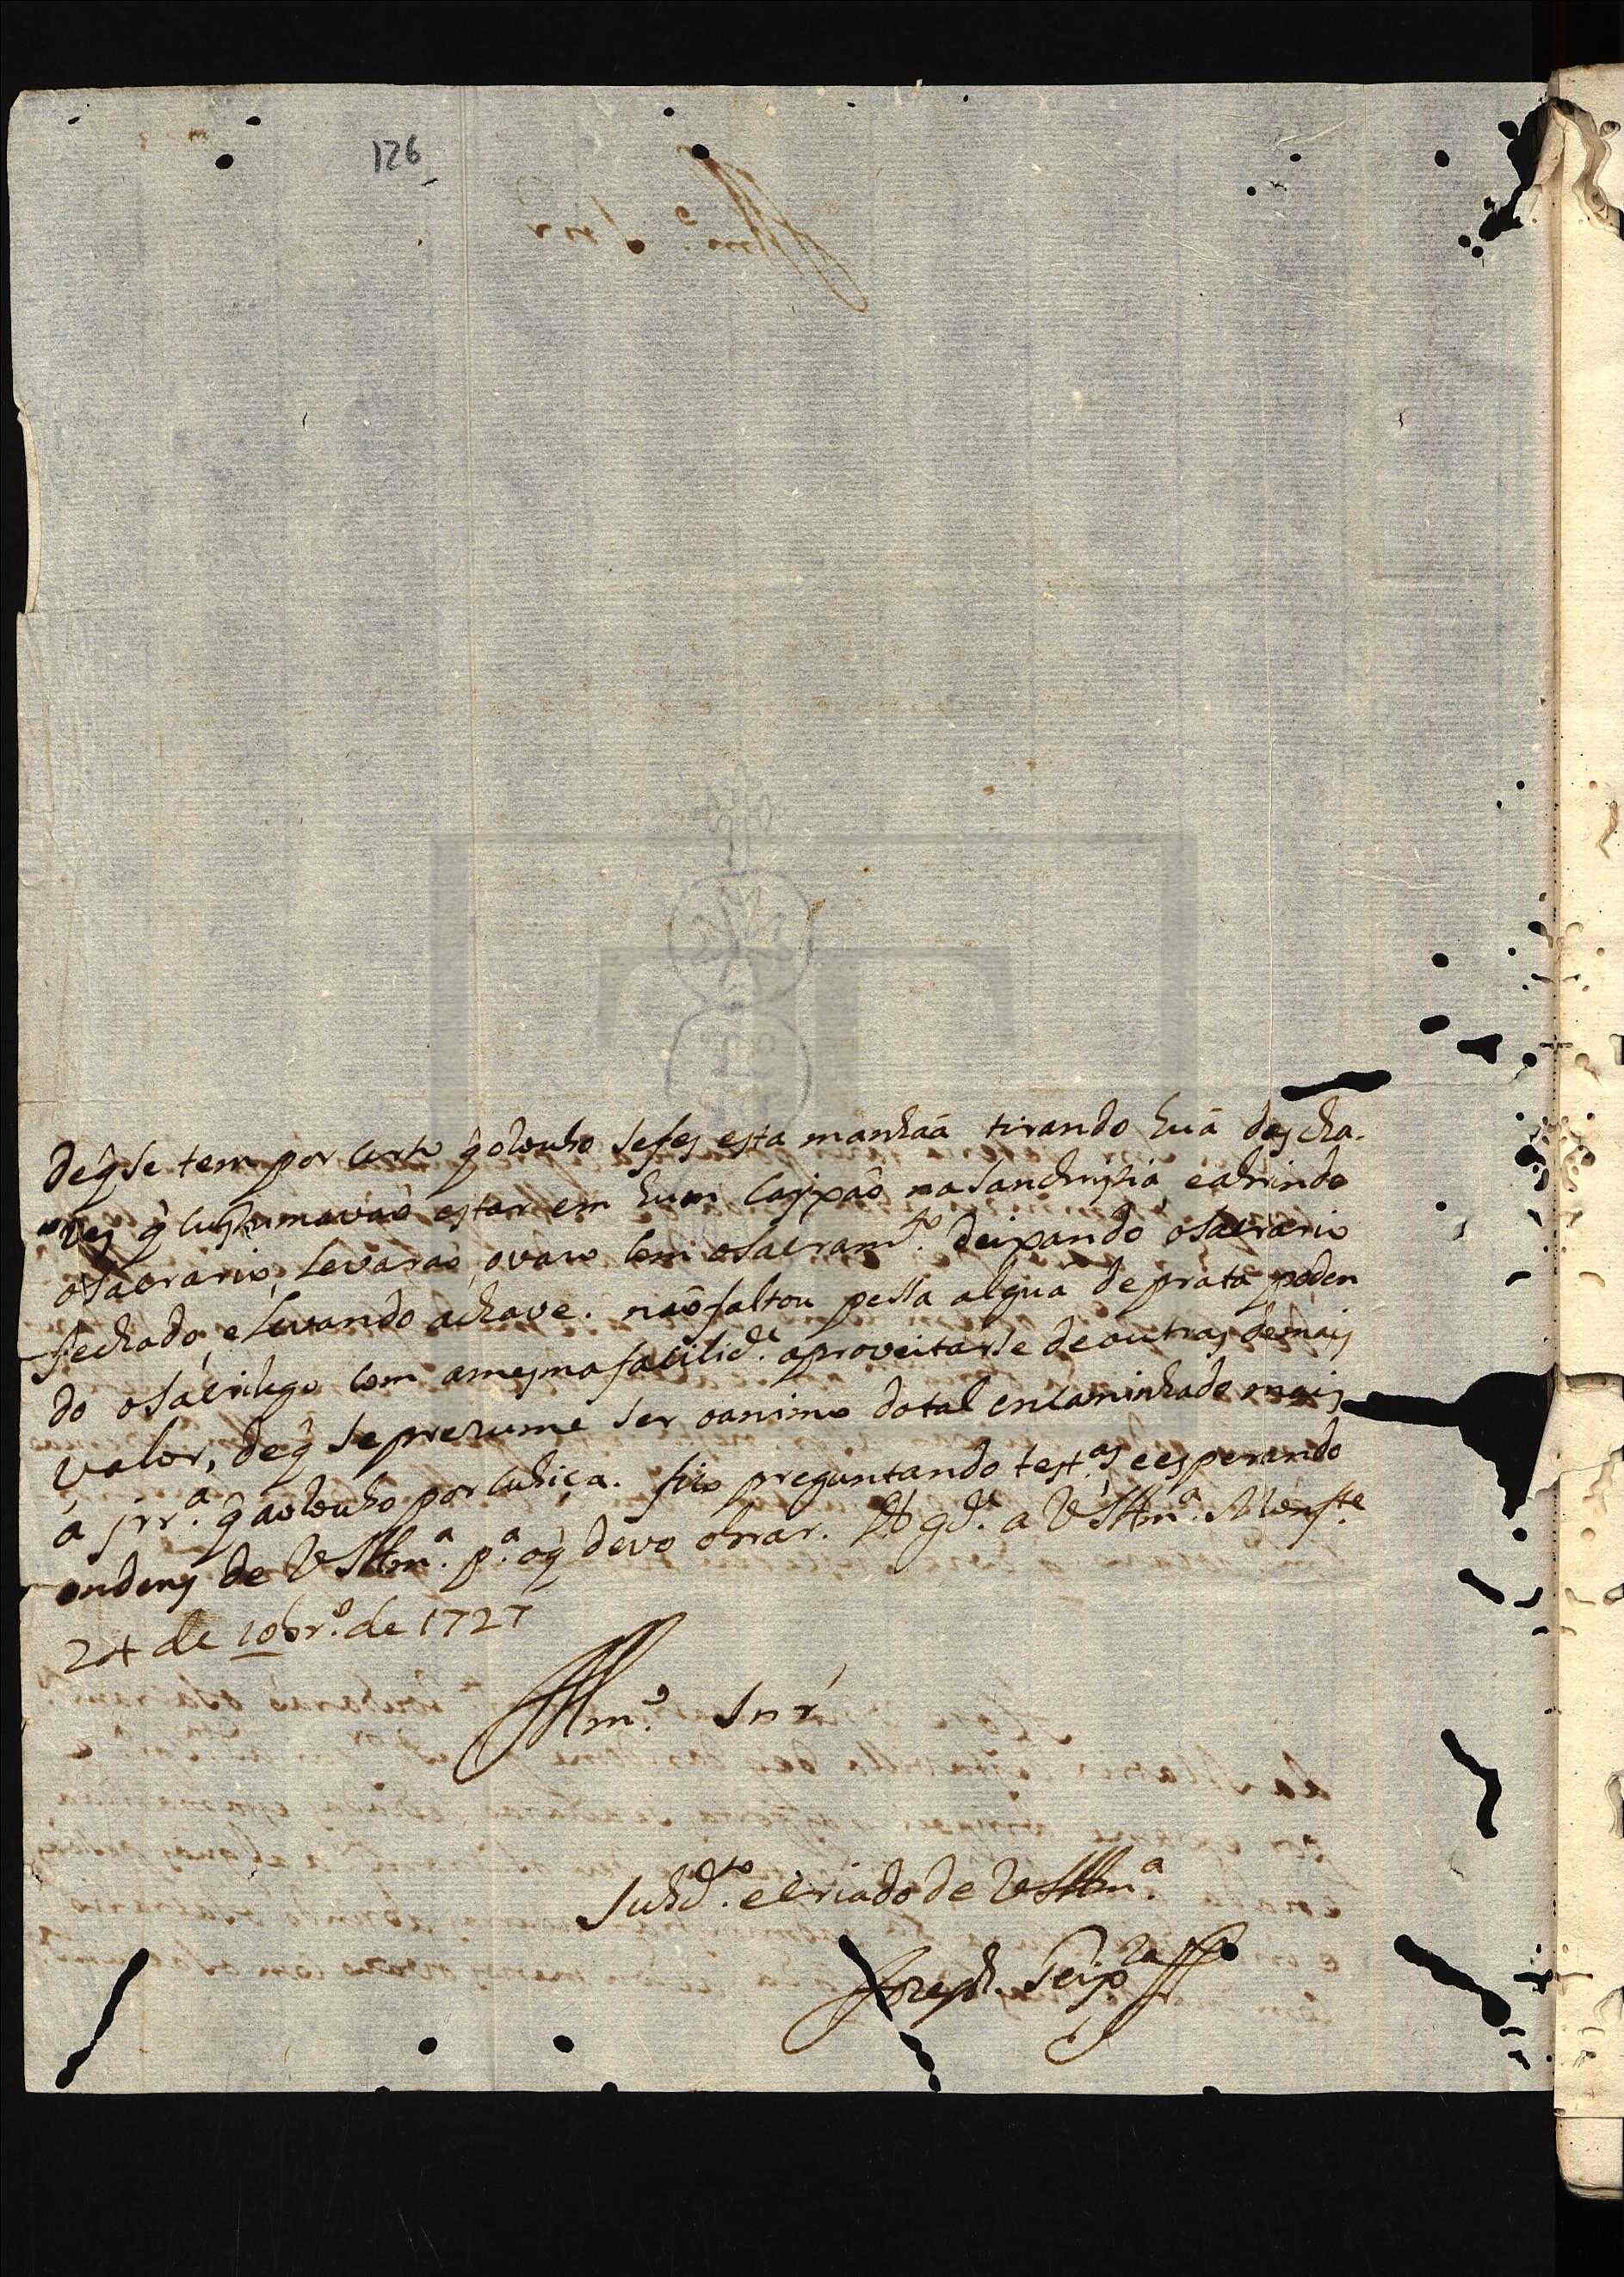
de q̄ se tem por certo q̄ o Roubo se fes esta manhaã tirando huā das cha
ves q̄ custumavaõ estar em hum cayxaõ na sanchristia, e abrindo
o sacrario, Levarao o vazo com o sacram.to deixando o sacrario
fechado, e levando a chave. naõ faltou pessa alguā de prata poden
do o sacrilego com a mesma facilid.e aproveitarse de outras de mais
valor, de q̄ se prezume ser o animo do tal encaminhado mais
á jrr.a q̄ ao Roubo por cubiça. fico perguntando test.as, e esperando
ordens de V Illm.a p.a o q̄ devo obrar. Ds gd.e a V Illm.a Monf.te
24 de 10br.o de 1727
Illm.o snr̄
subd.to e criado de V Illm.a
Jozeph Teix.ra
